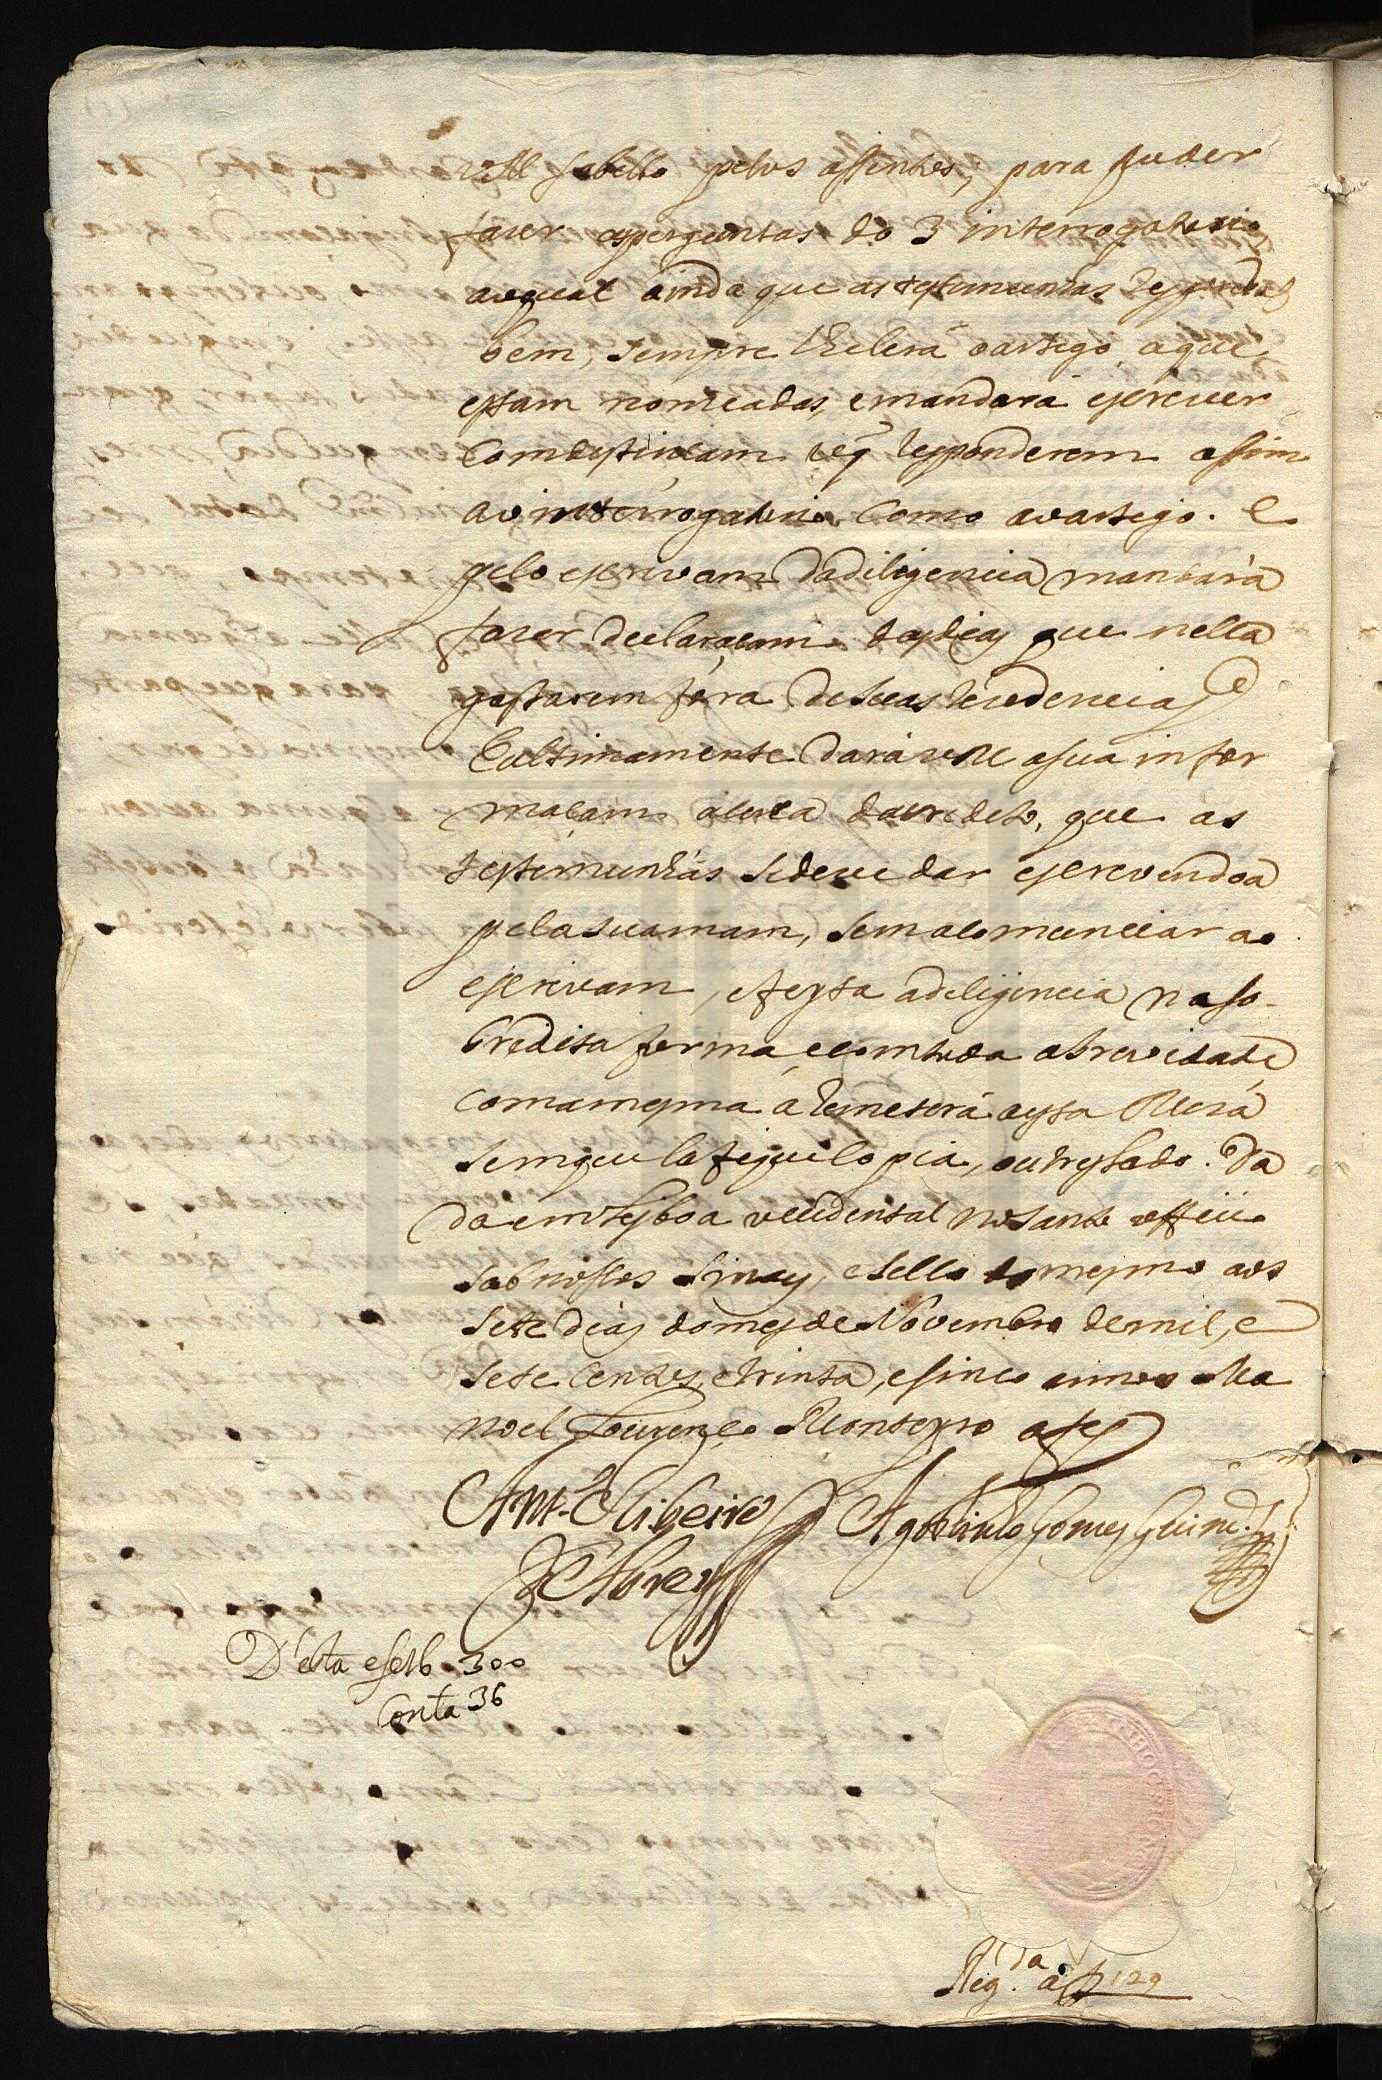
V M sabello pelos assentos, para puder
fazer as perguntas do 3 interrogatorio,
ao qual ainda que as testemunhas respondaõ
bem, sempre lhe lerá o artigo a que
estam nomeadas, e mandará escreuer
com destinçam o q̄ responderem assim
ao interrogatorio como ao artigo. E
pelo escrivam da diligencia mandará
fazer declaraçam dos dias que nella
gastarem fora de suas rezedencias
E ultimamente dará V M a sua infor
maçam acerca da credito, que as
testemunhas se deue dar escrevendoa
pela sua mam, sem a comunicar ao
escrivam, e feyta a deligencia na so
bredita forma, e com toda a brevidade
com a mesma a Remeterá a esta Meza
sem que la fique Copia, ou treslado. Da
da em Lisboa occidental no santo officio
sob nossos sinaes, e sello do mesmo aos
sete dias do mes de Novembro de mil, e
setecentos e trinta, e sinco annos Ma
noel Lourenço Monteyro a fes
Anto Ribeiro _ Agostinho Gomes Guim.s
de Abreu
D'esta e sello 300
Conta 36
Reg.da a f. 129
